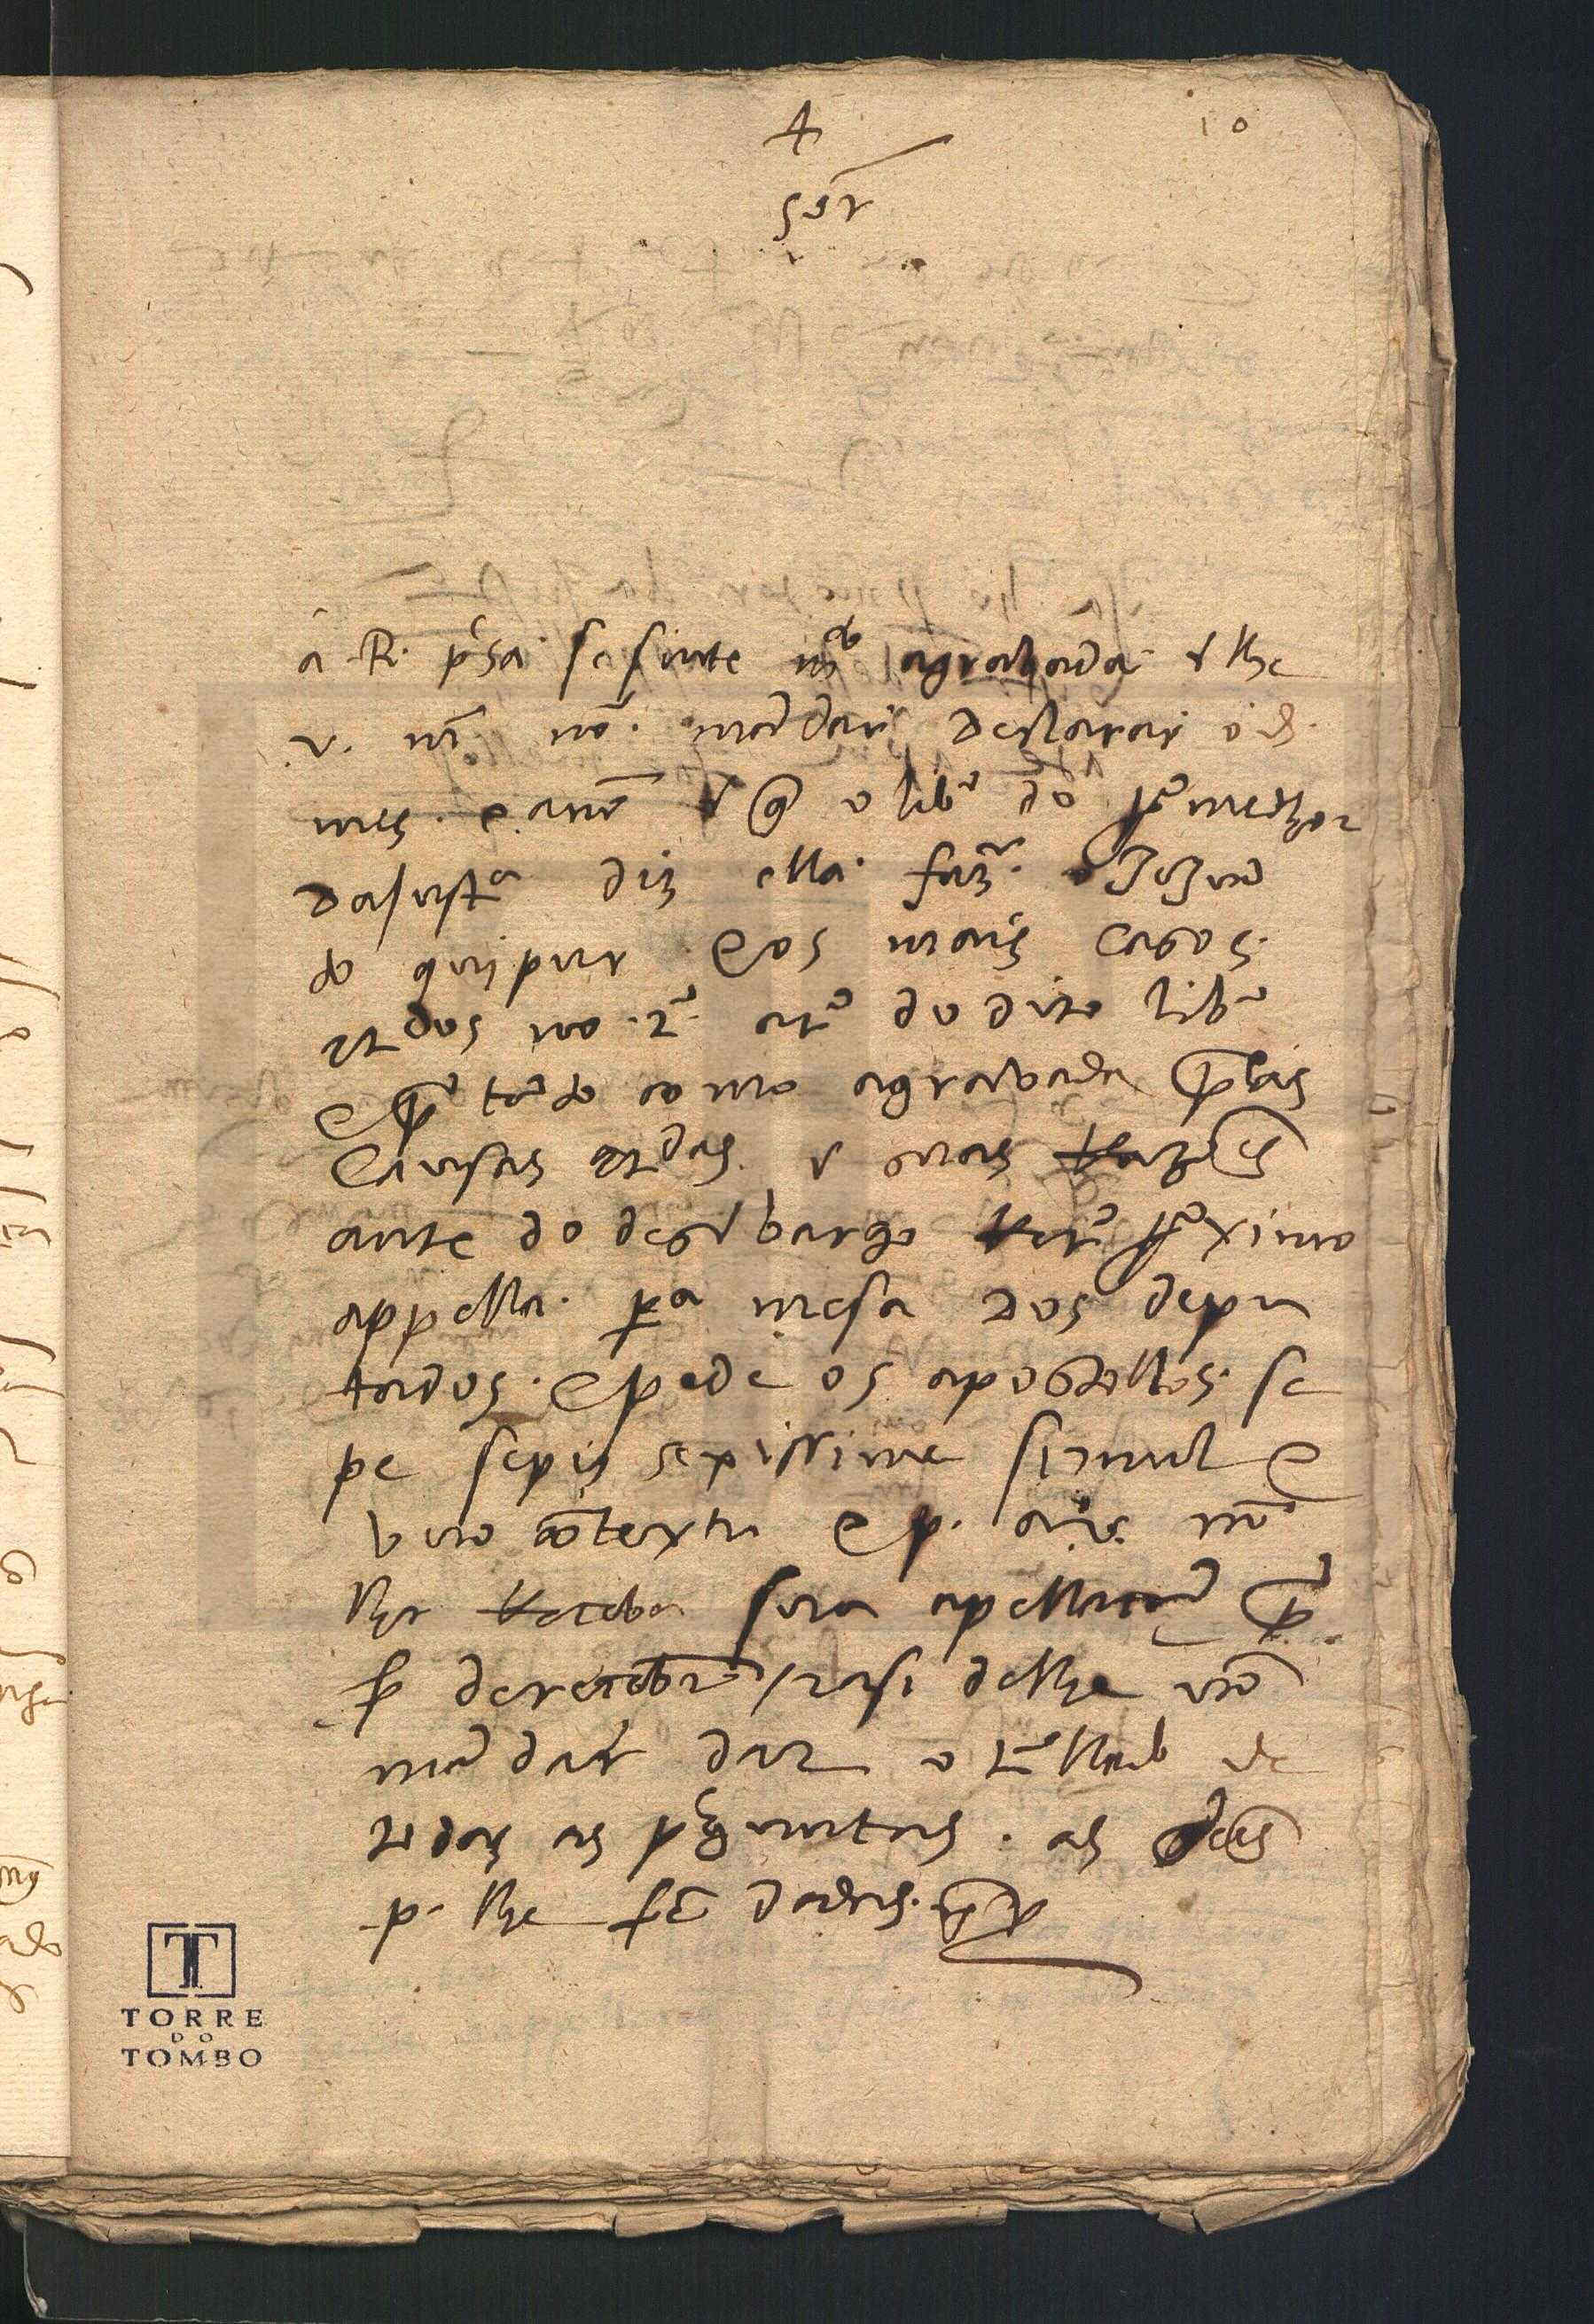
Sor̄
a .R. p̄sa se sente mto agravada ē lhe
.v. m̄. nō. mādar declarar o dj.
mes. e ano ē q̄ o libo do ꝓomethor
da Justa diz ella. faz̄. o JeJuū
do qujpur e os mais casos.
ꝯtdos no .2o. arto do dito Libo
e p̄otāto como agravada p̄las
Causas ꝯtdas. ē suas Razoẽs
ante do desēbargo Reto ꝓoximo
appella. ꝑa mesa dos depu
tados. e pede os apostollos. se
pe sepis sexissime simul e
vero c̄otextu e p. a v. m̄
lhe Receba sua apellaçā p̄o
ꞩ de reçeb̄r / e asi de lhe nō
mādar dar o t̄llado de
todas as p̄guntas. as q̄es
.p. lhe ꞩē dadas. c̄ꝭ
